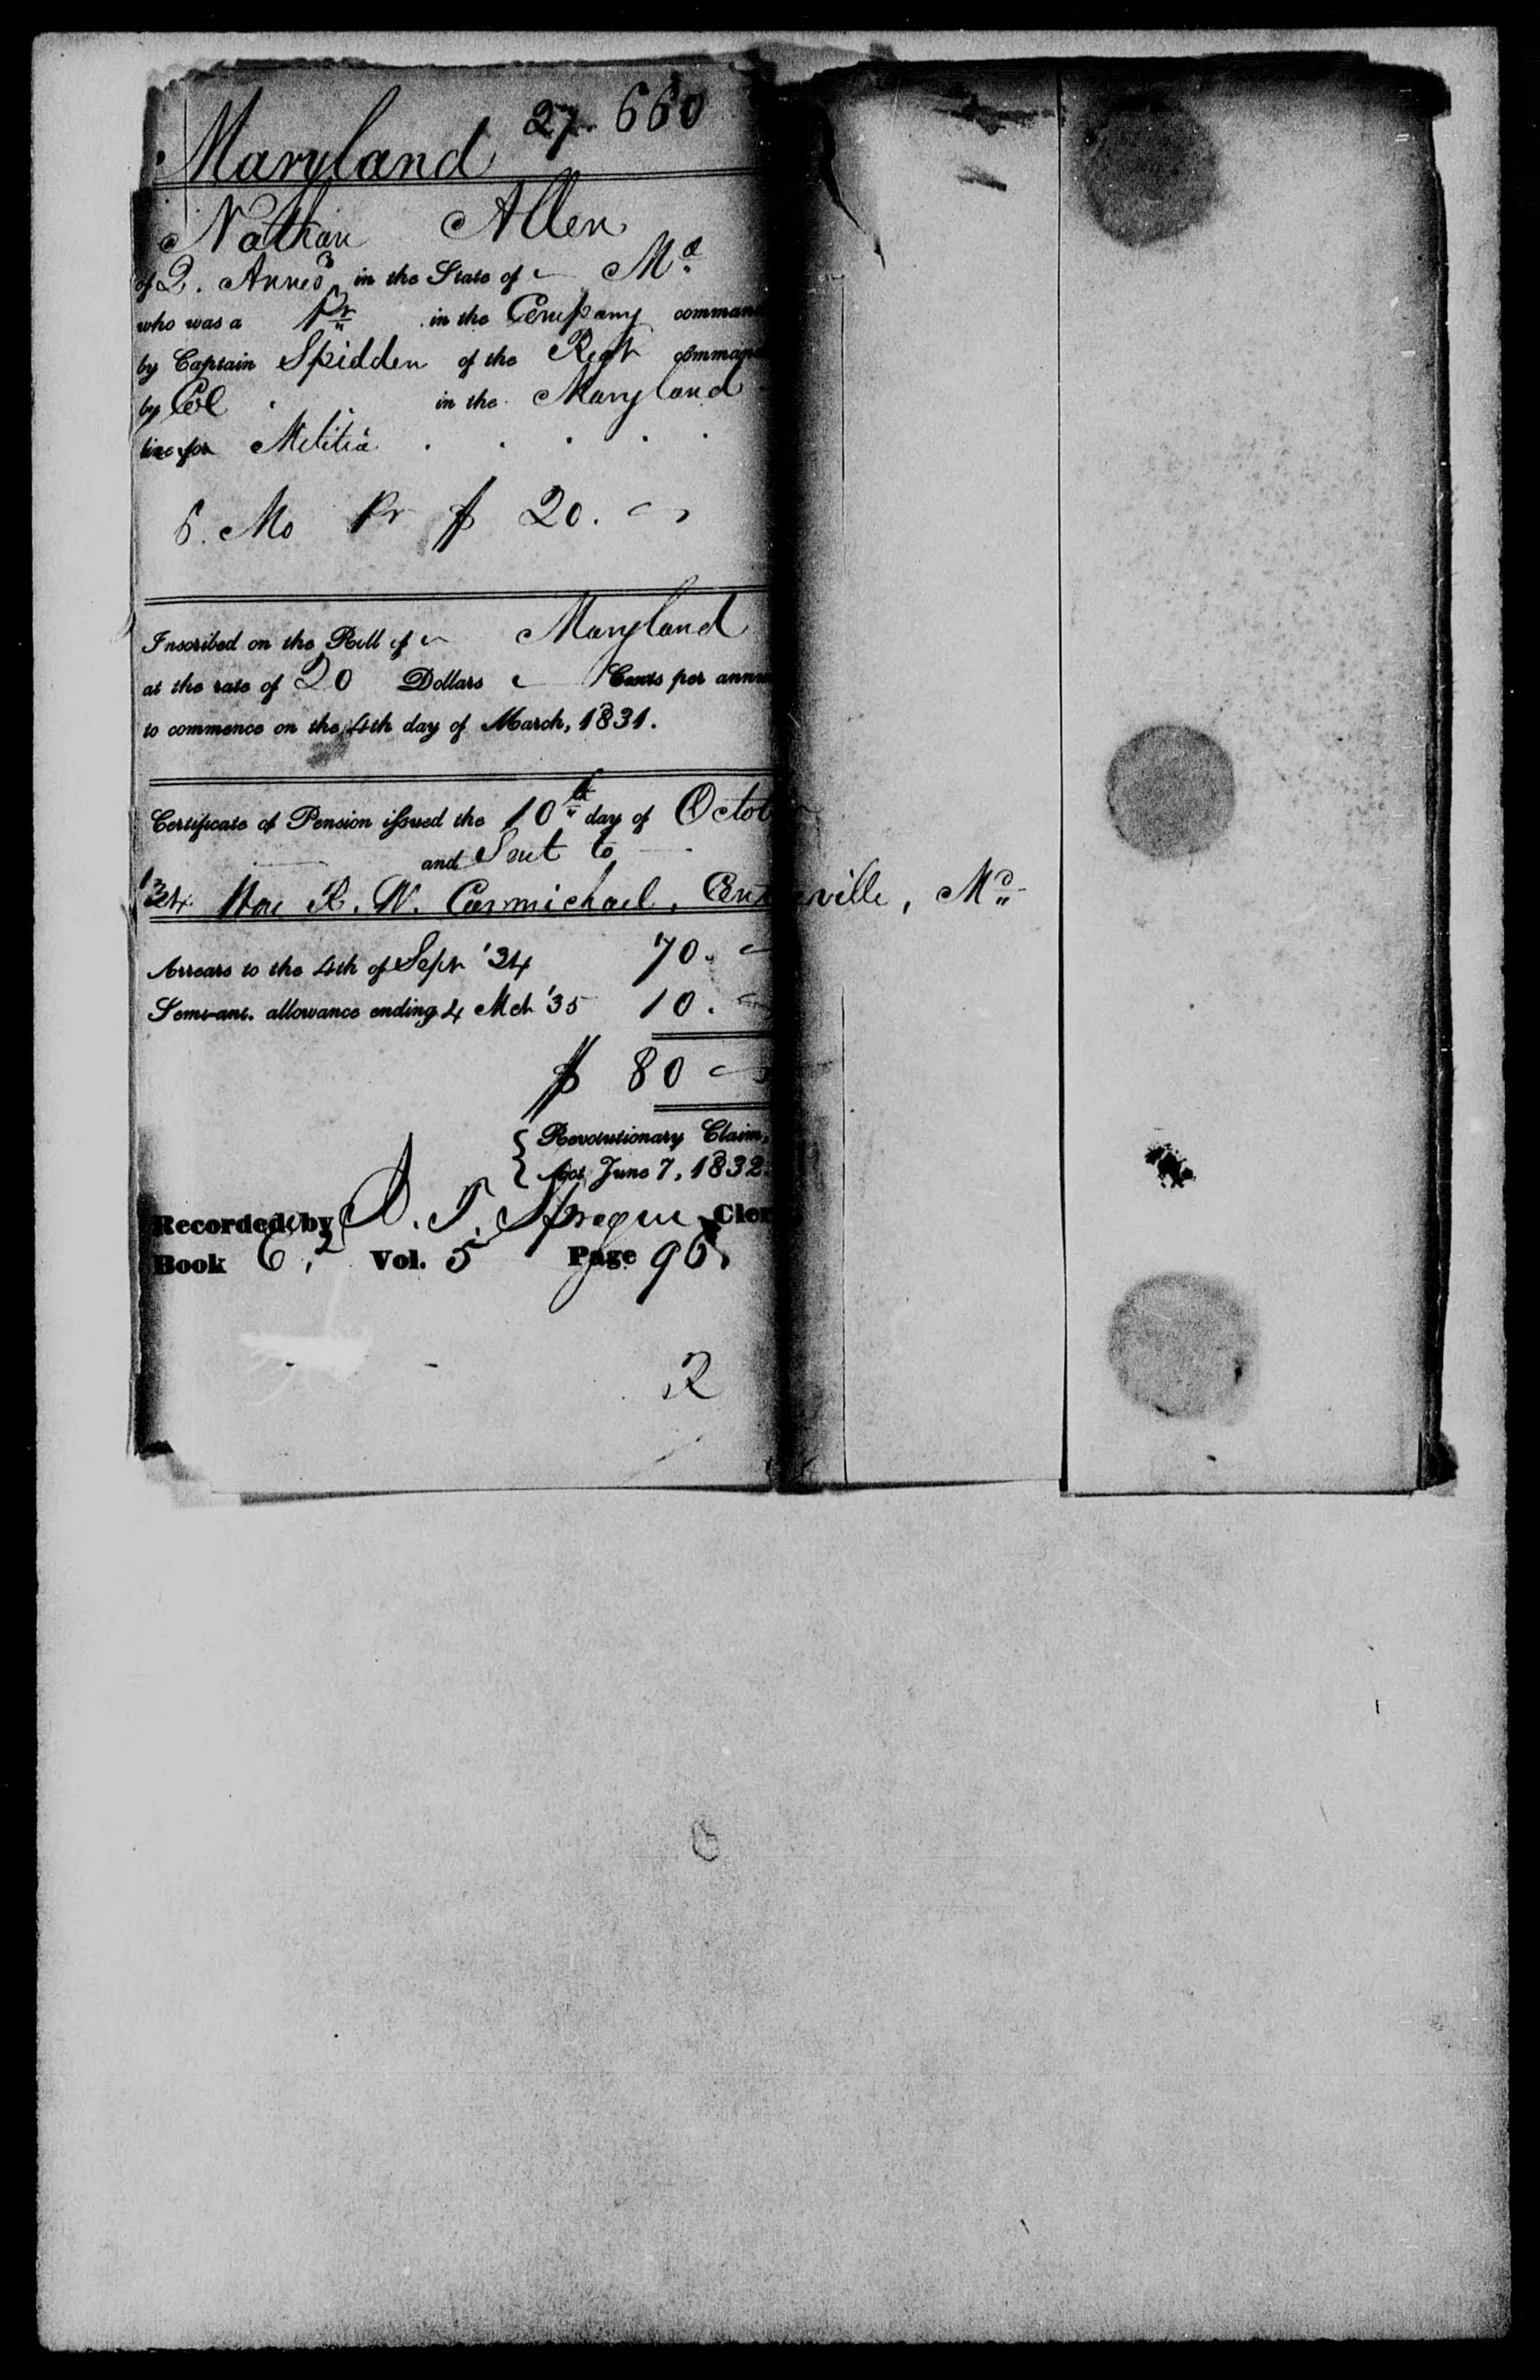Maryland
27660
Nathan Allen
of Queen Anne's Co. in the state of MD
who was a Pri in the company commanded
by Captain Spidden of the regiment commanded
by Col. blank in the Maryland line for Militia
6 Mo for $20.

Inscribed on the roll of Maryland at the ray of 20 dollars and blank cents per annum to commence on the 4th day of March, 1831.

Certificate of Pension issued the 10th day of October 1834 and sent to Hon R W Carmichael Centreville, MD

Arrears to the 4th of Sept '34 $70.00
Semi-anl allowance ending 4 March '35 $10.00
$80.00

{Revolutionary Clai Act June 7 1832}

Recorded by J T Sprague - Clerk
Book 6 Vol 5 Page 96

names: R W Carmichael, Nathan Allen, J T Sprague, Spidden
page: 2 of 14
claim: survivor's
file: S. 8,011, Nathan Allen, Md. And Sea Service